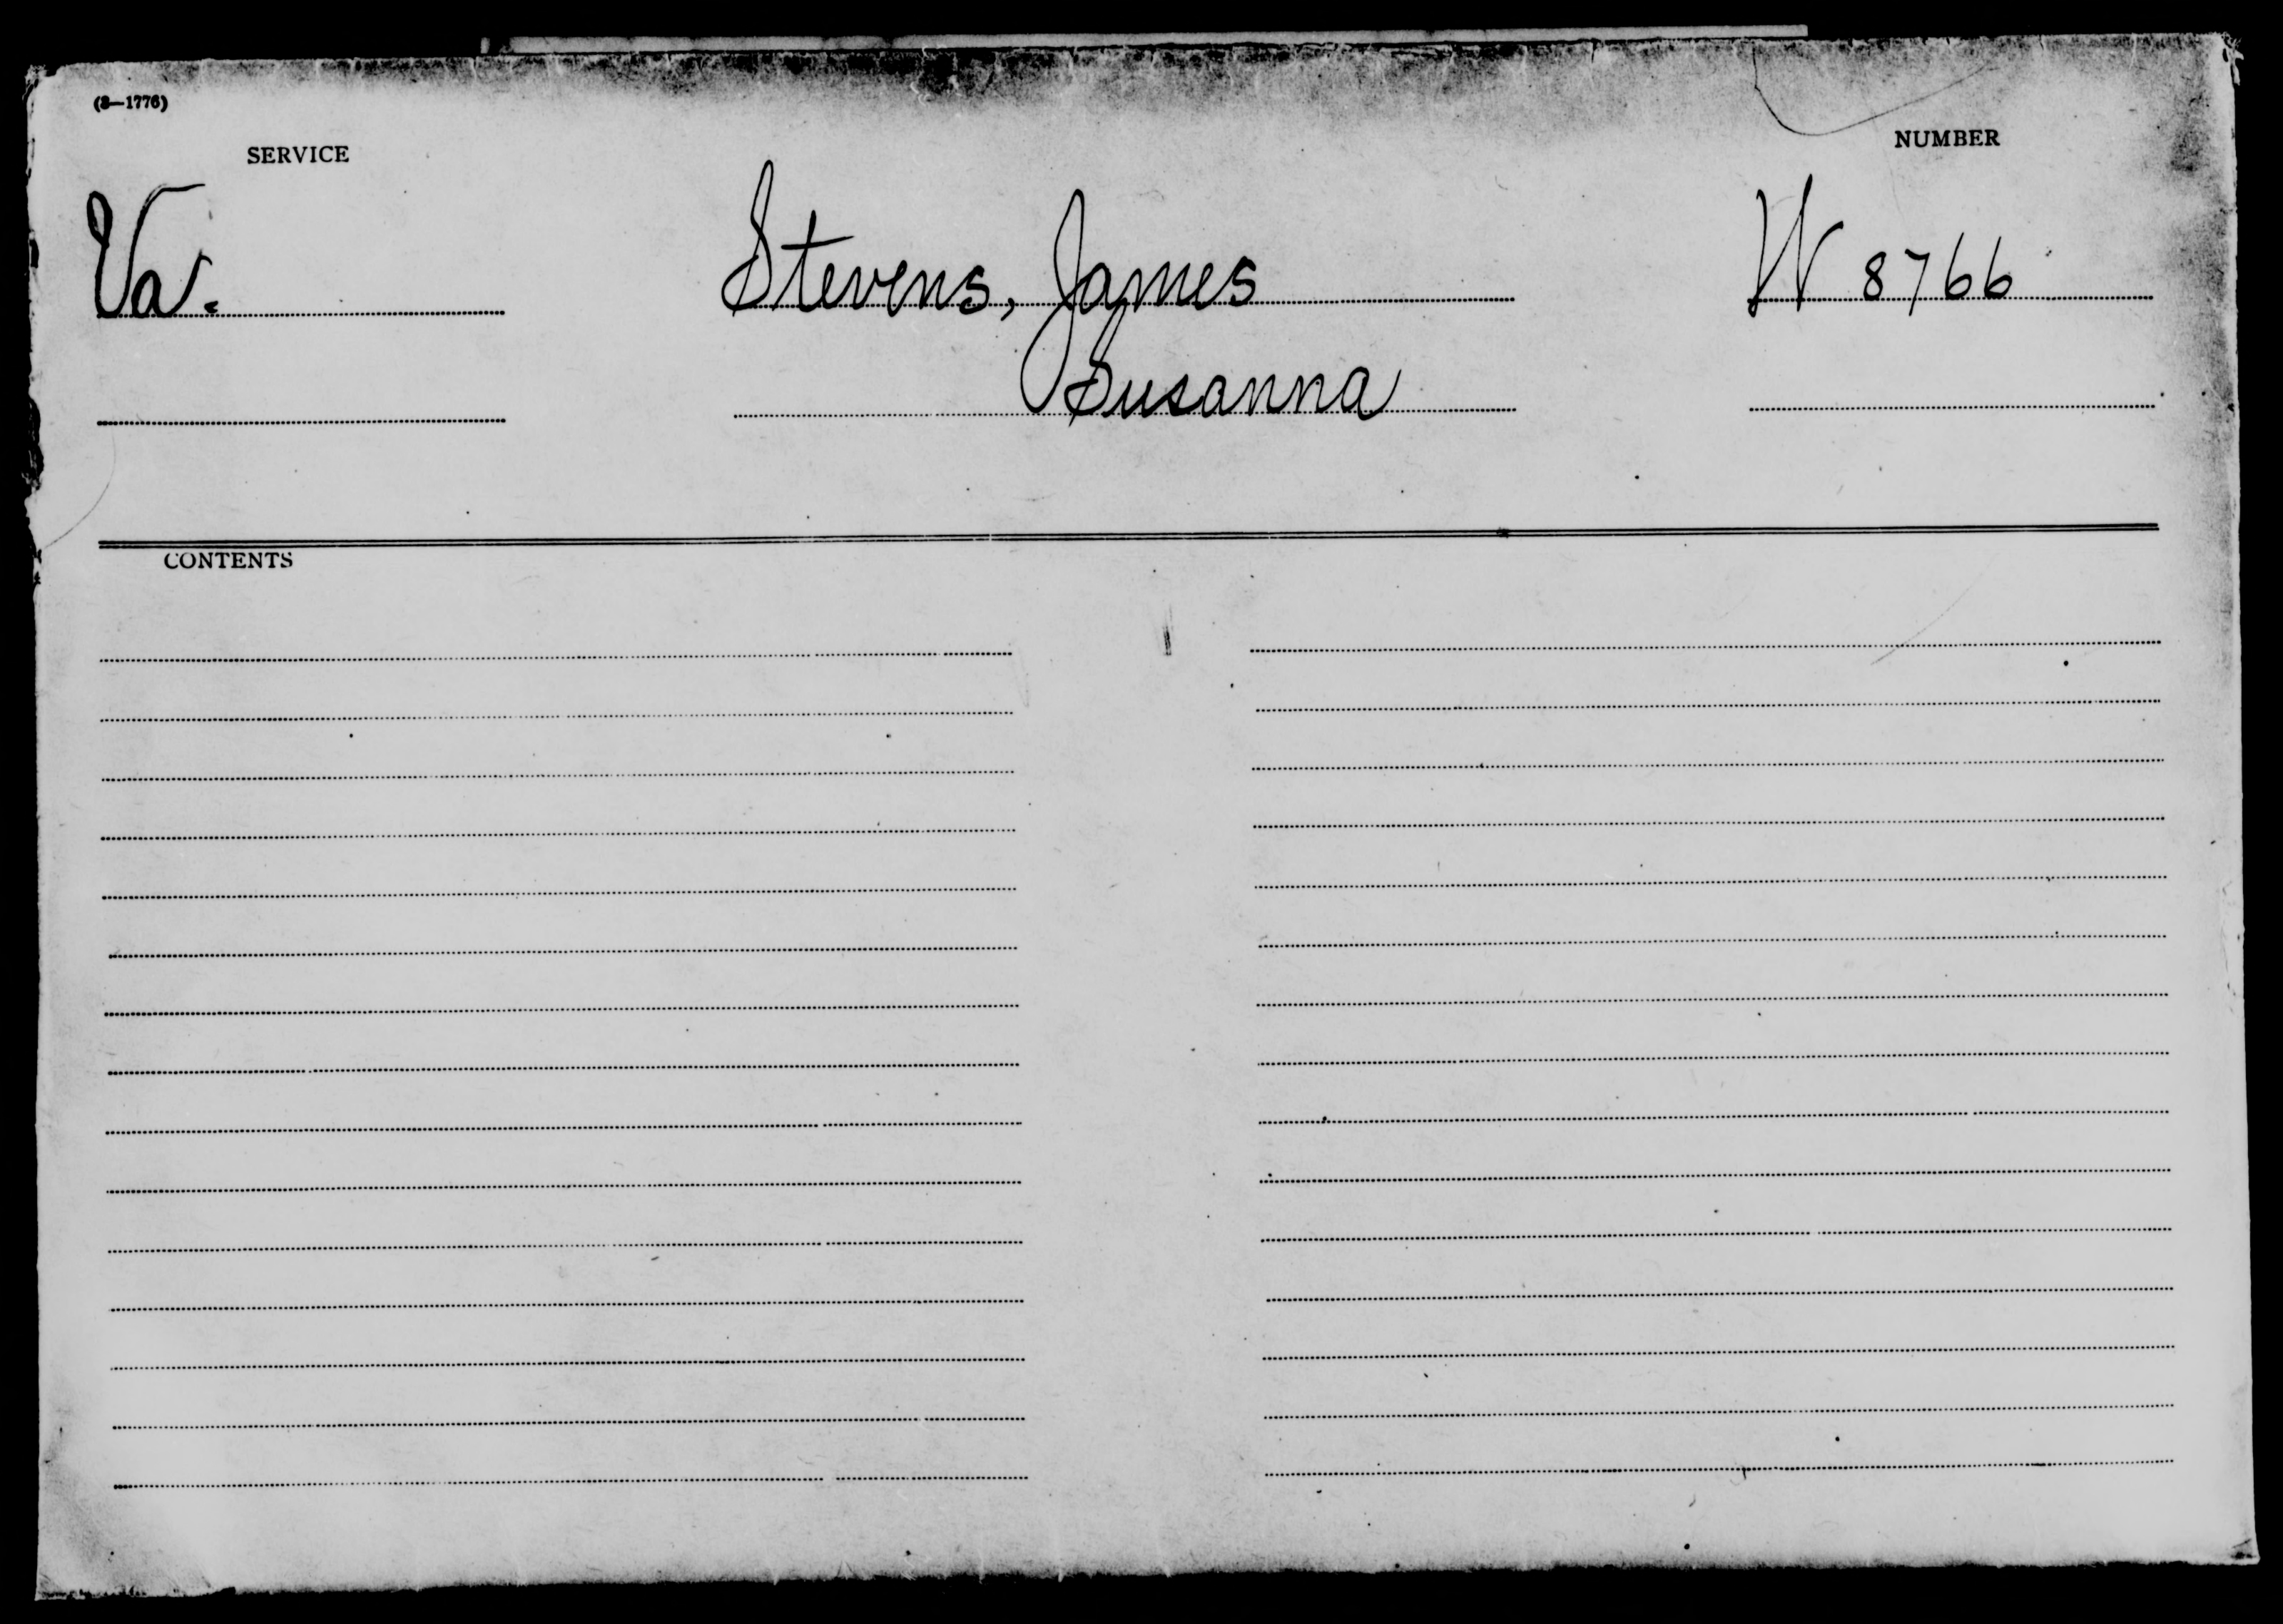( 2 - 1776 )
SERVICE
Va.
Stevens, James
Susanna
NUMBER
W 8766
CONTENTS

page: 1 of 99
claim: widow's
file: W 8766, for James Stevens, Virginia